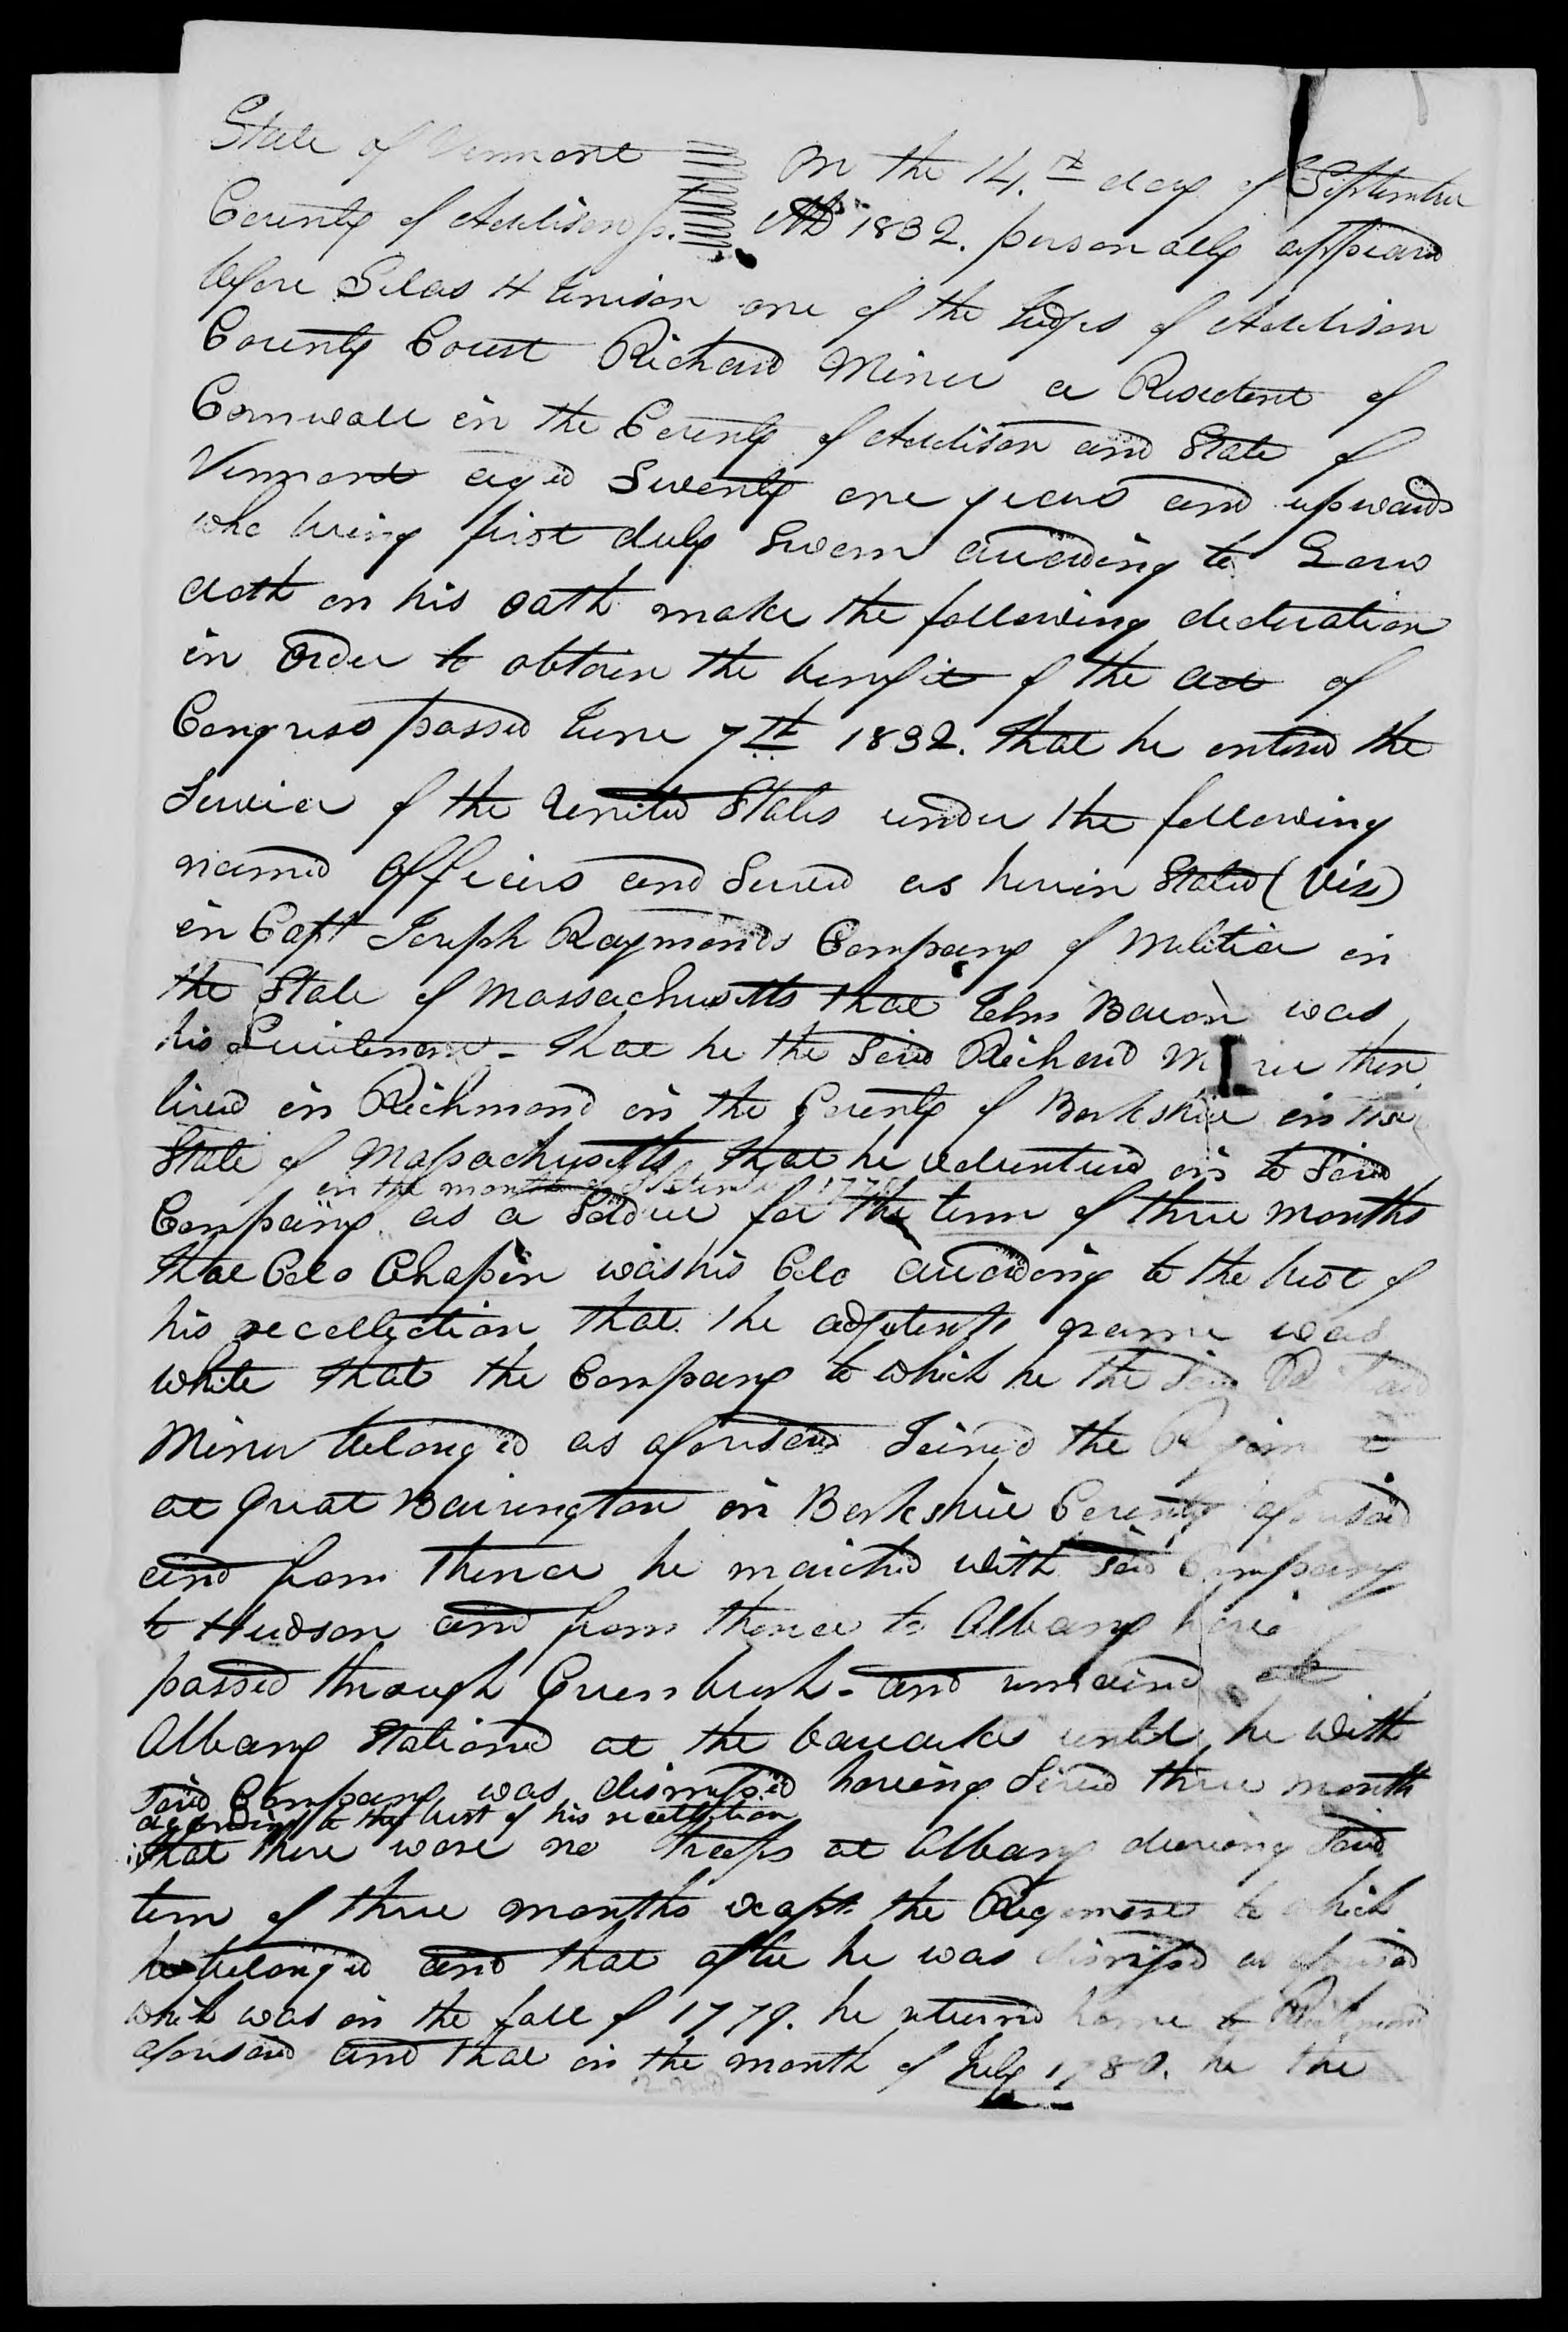State of Vermont
County of Addison SS
On the 14th day of September AD 1832, personally appeared fore Silas H Jenison one of the Judges of Addison County Court Richard Miner a Resident  of
Cornwall in the County of Addison and State of Vermont aged Seventy one years and upwards who being first duly Sworn adding to
Law doth on his oath make the following declaration in order to obtain the benefit of the act of Congress passed June 7th 1832. That he entered the Service of the United States under the following named
Officers and served as herein stated (vis)
in Capt Joseph Raymonds Company of Militia in
the State of Massachusetts that John Baron was
his Lieutenant, that he the said Richard Miner then lived in Richmond in the County of Berkshire in the State of Massachusetts that he volunteered in to said Company in the month of [illegible] 1778 as a soldier for the term of three months. That Col Chapin was his Col [illegible] to the best of his recollection
that the [illegible] name was
White that the company to which he the said Richard Miner belonged as aforesaid joined the Regiment at Great Harrington in Berkshire  County aforesaid and from thence he marched with said Company
to Hudson and from thence to Albany having
passed through Greenbush and remained at
Albany stationed at the barracks until he with
said company was dismissed having served three month [illegilble] to the best of his recollection. That there were no [illegible] at Albany during said
term of three months [illegible] the Regiment to which he
belonged and that after he was dismissed as aforesaid 
which was in the fall of 1779. he returned home to Richmond
aforesaid and that in the month of July 1780, he the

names: Richard Miner; Silas H Jenison; Elm Baron; [BLANK] Chapin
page: 4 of 34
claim: survivor's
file: S. 13944, for Richard Miner, Massachusetts